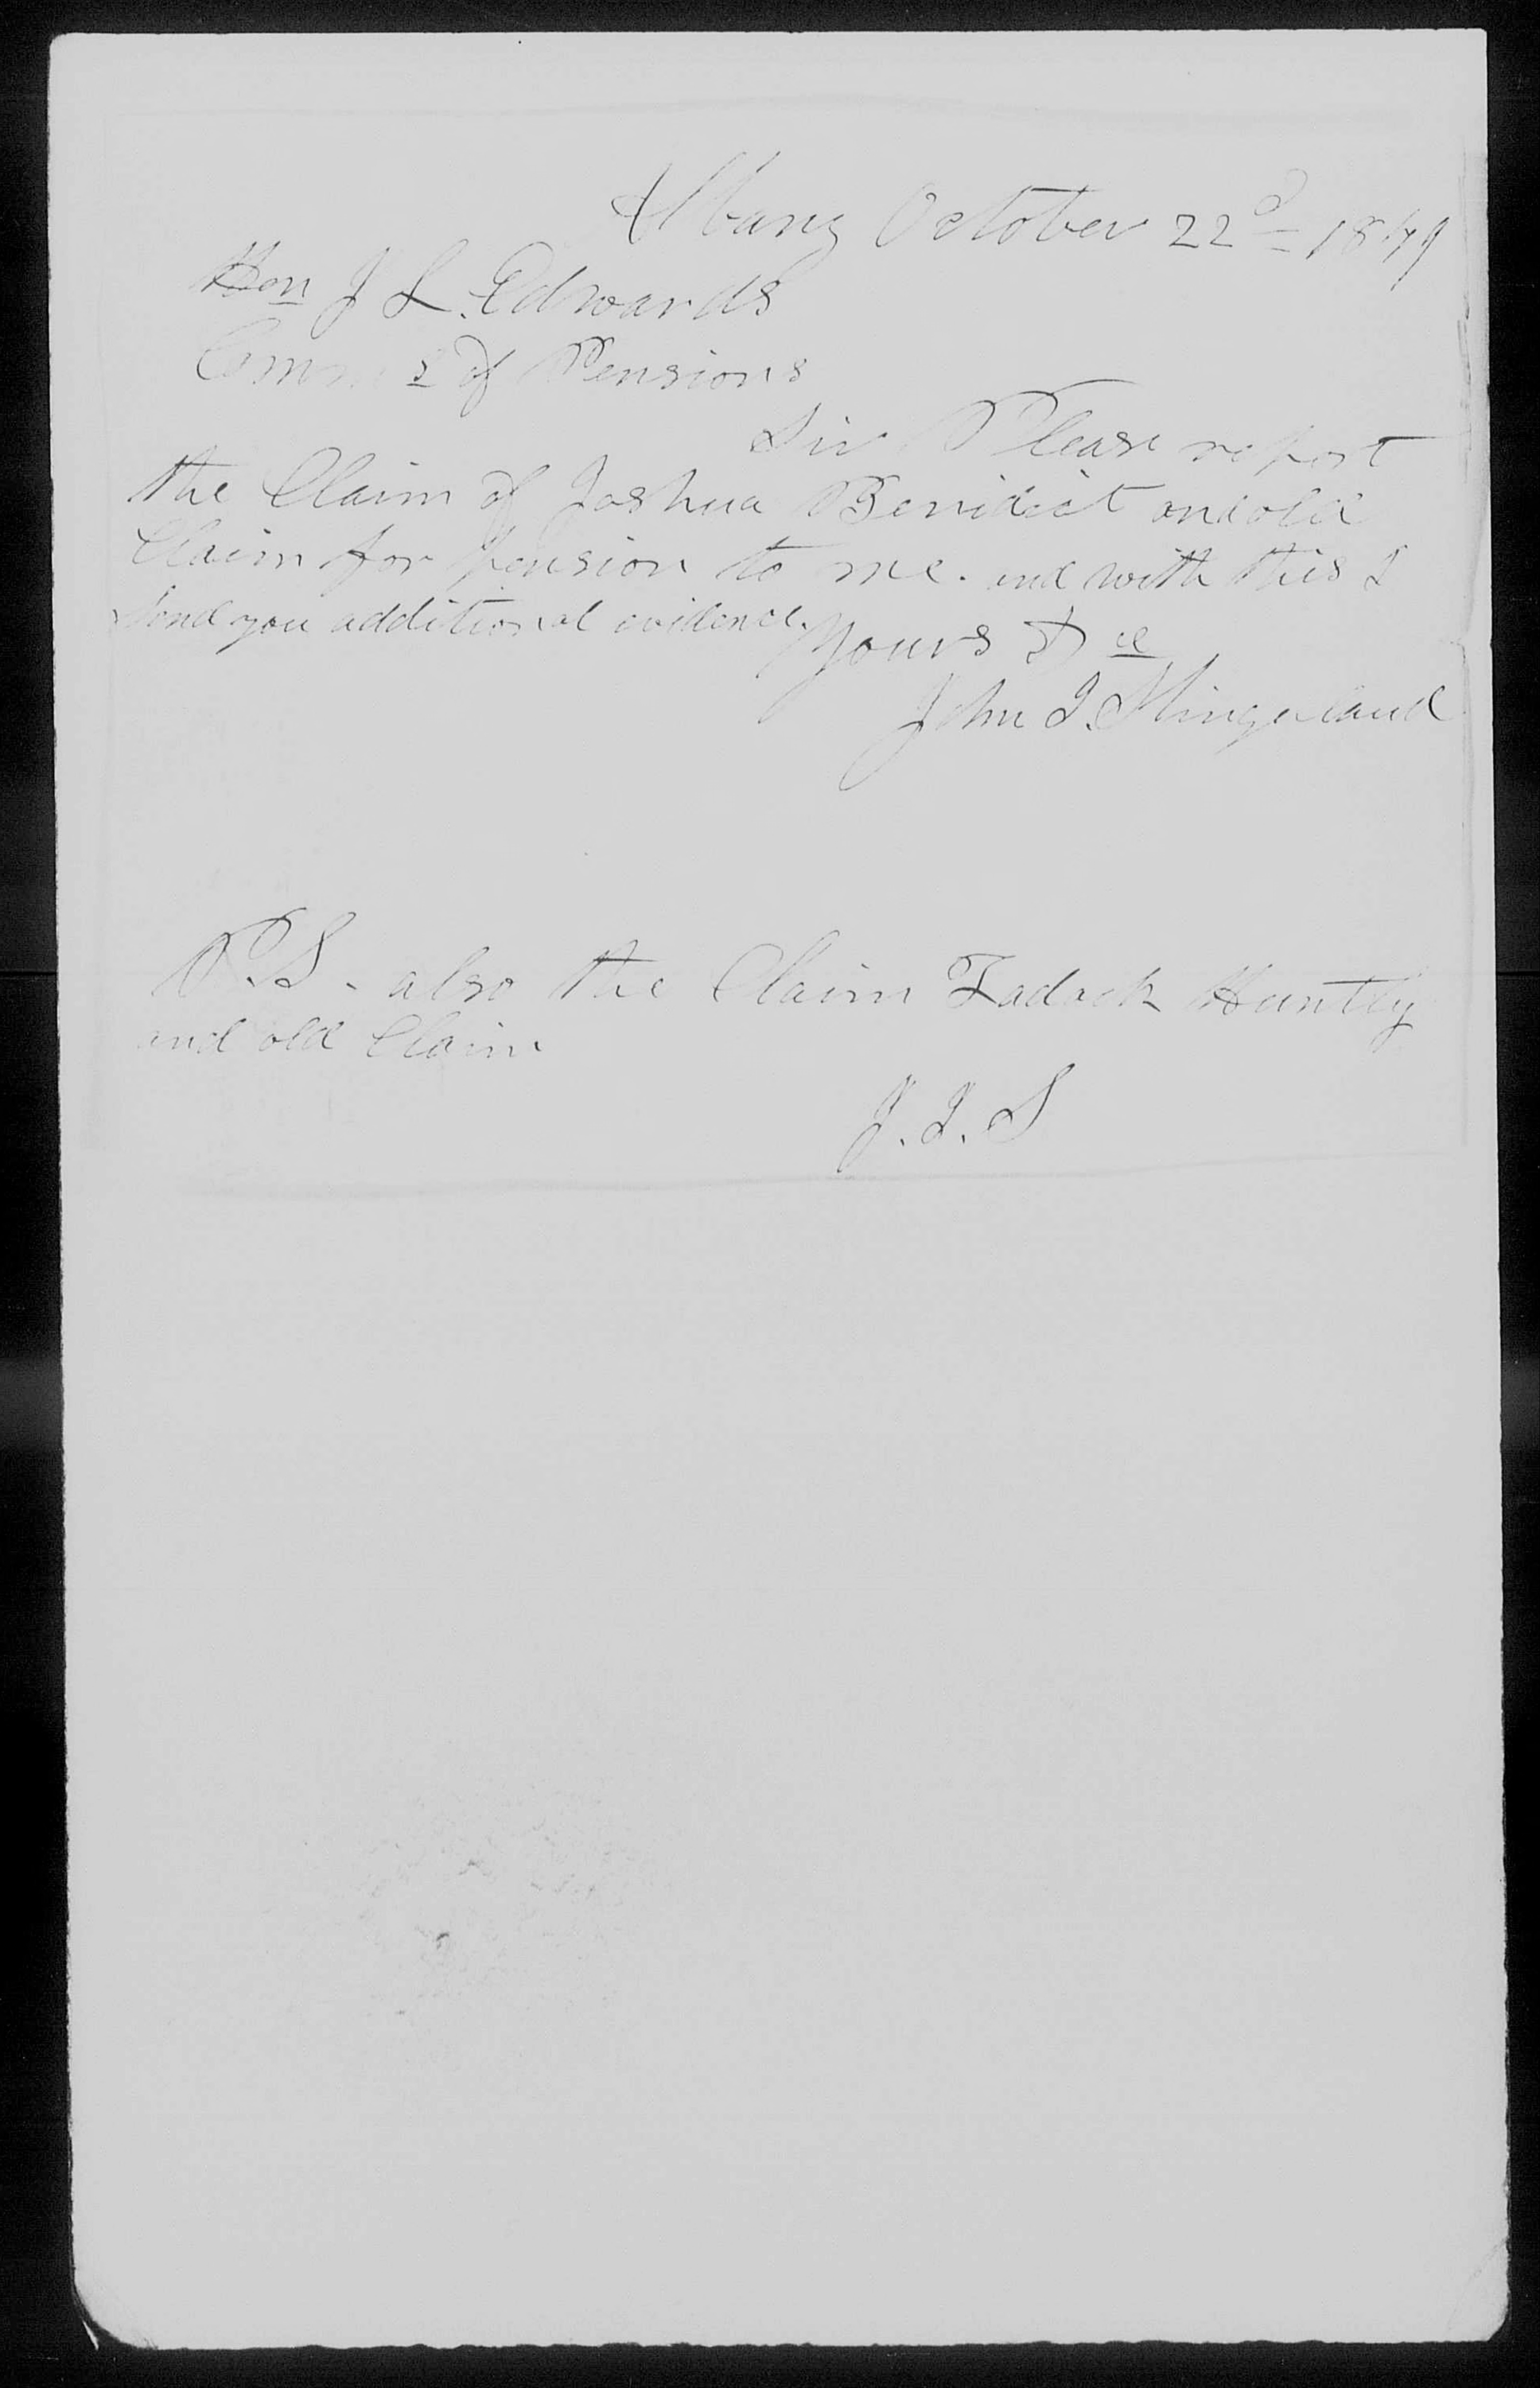Albany October 22d 1849

Hon J L. Edwards
Cmms. of Pensions

Sir Please repost the Claim of Joshua Benedict and old Claim for pension to me, and with this I send you additional evidence.
Yours &c.
John J. Slingerland

P.S. also the Claim [illegible] Huntly and old Claim

J. J. S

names: John J Slingerland, Joshua Benedict, J L Edwards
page: 12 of 106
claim: survivor's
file: S 23,116., Joshua Benedict, Conn.